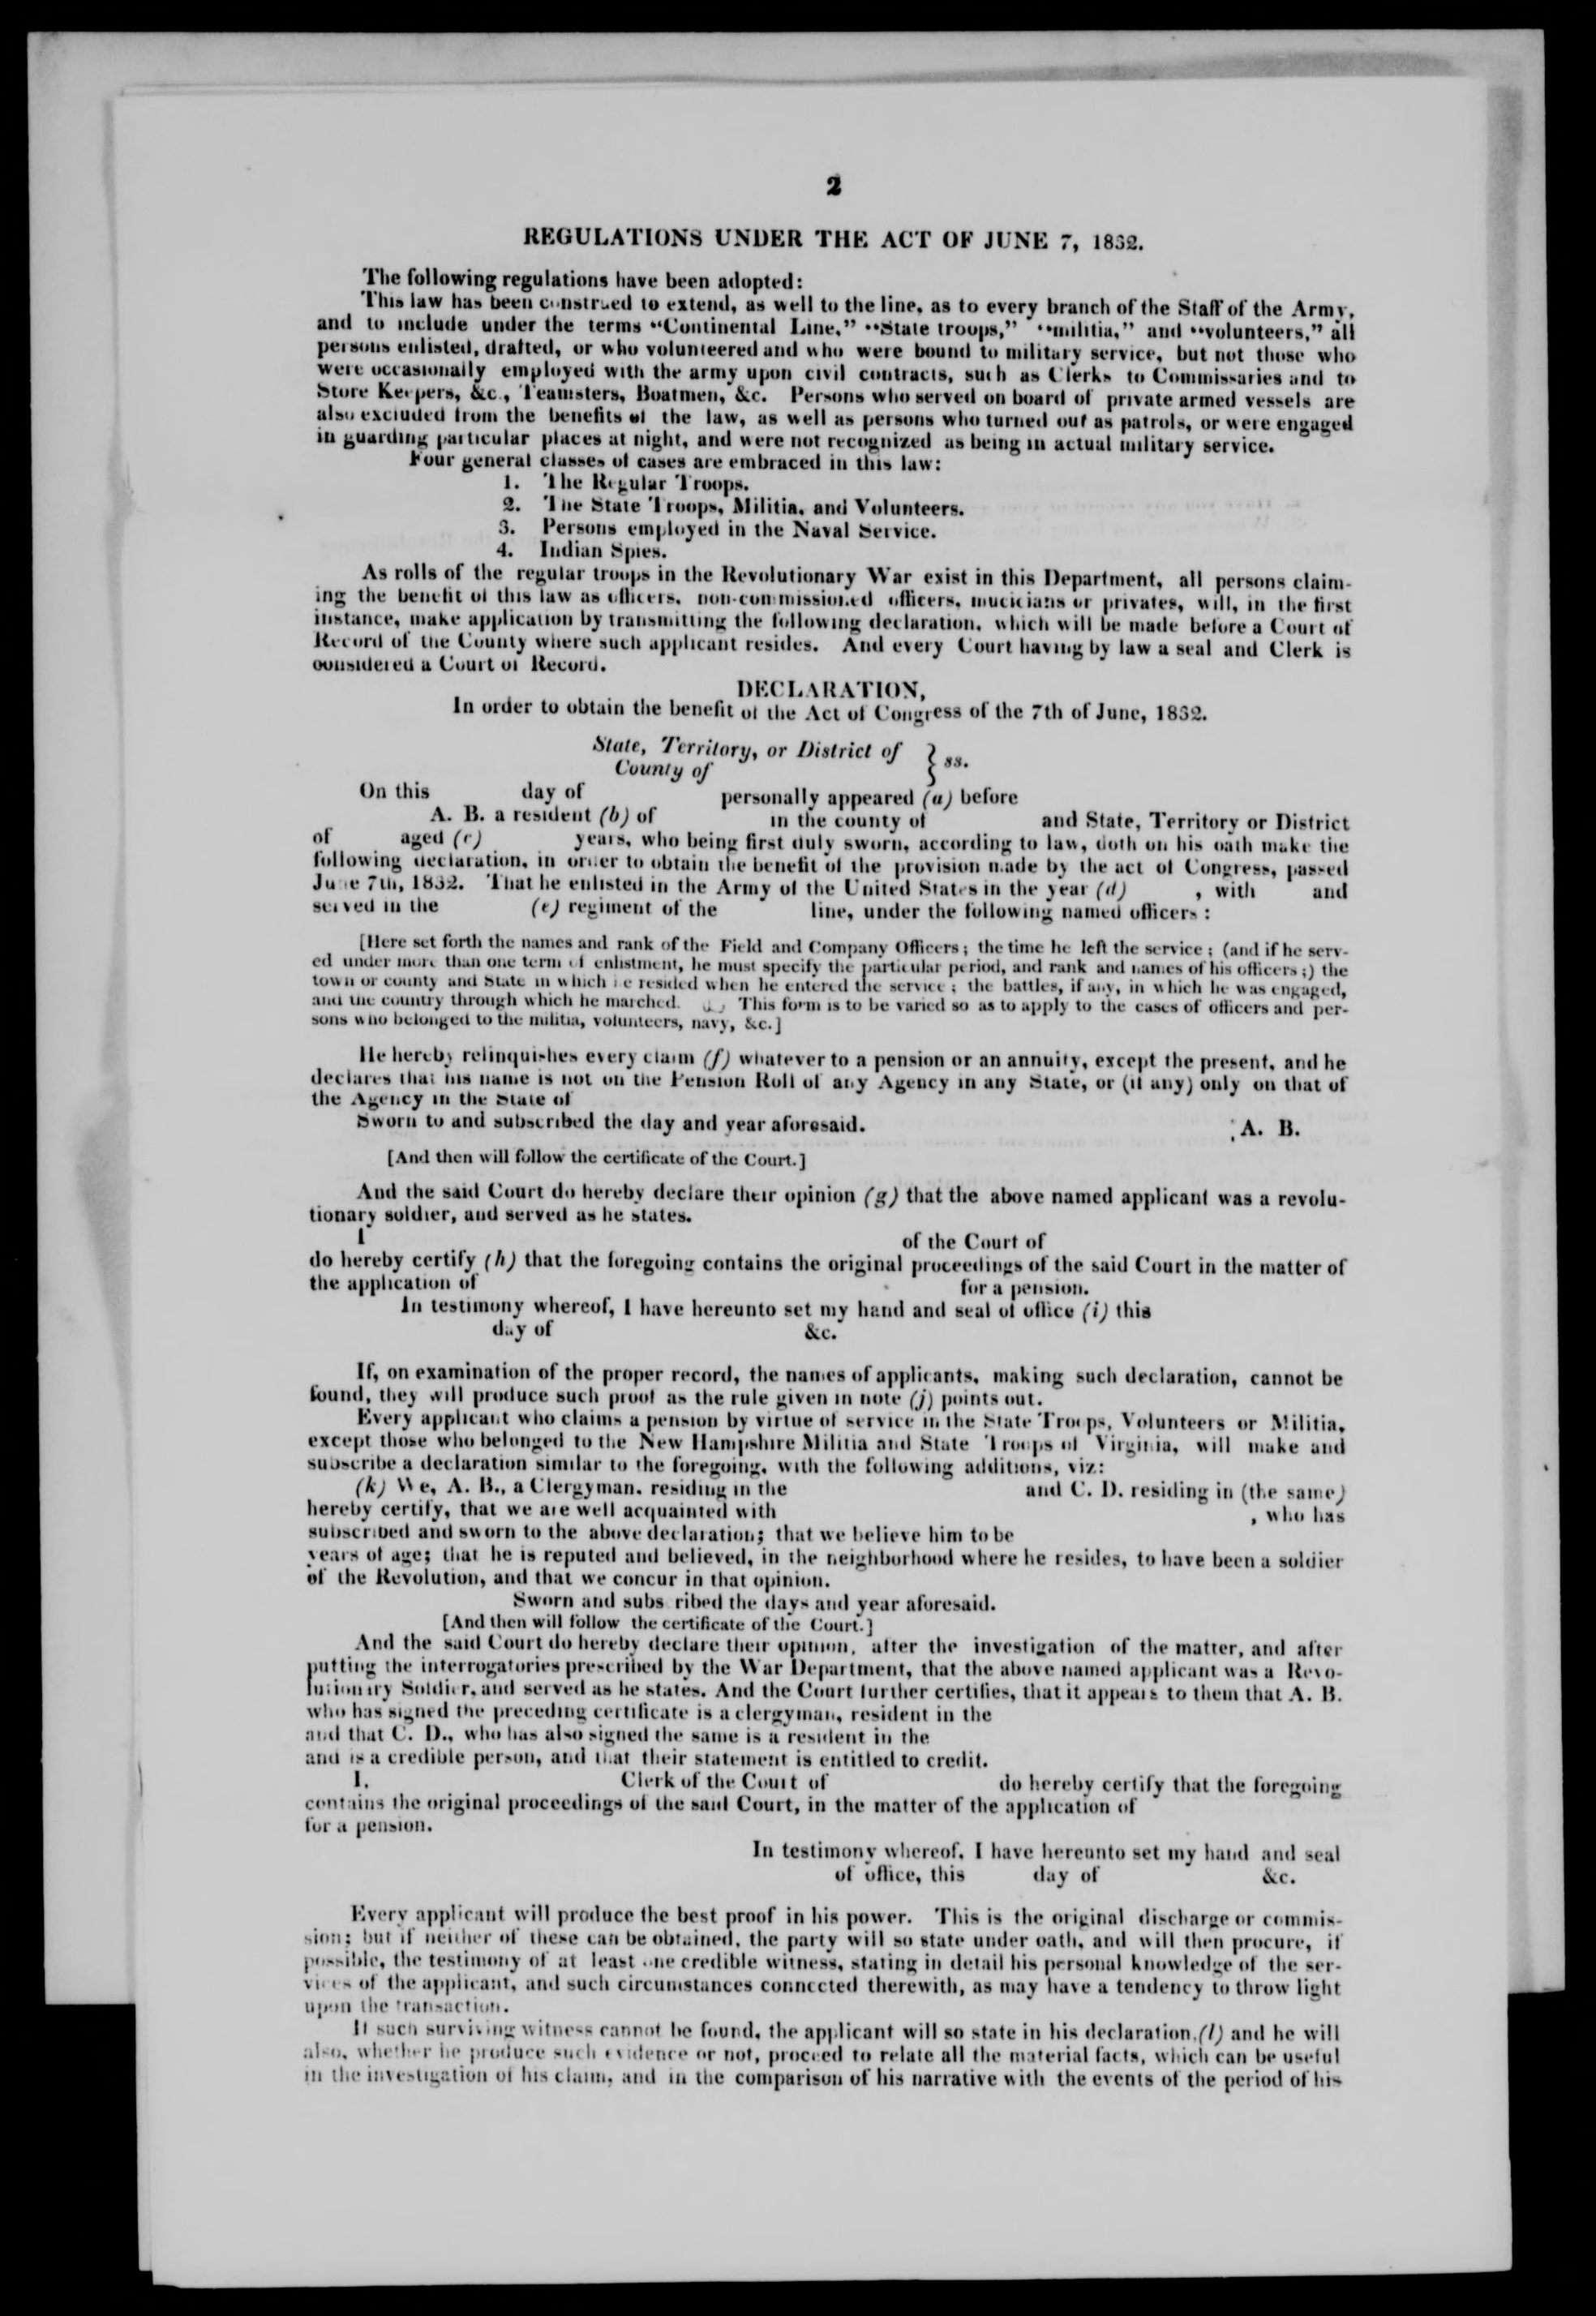2 

REGULATIONS UNDER THE ACT OF JUNE 7, 1832. 

The following regulations have been adopted: 
This law has been construed to extend, as well to the line, as to every branch of the Staff of the Army, 
and to include under the terms "Continental Line," "State troops," "militia," and "volunteers," all 
persons enlisted, drafted, or who volunteered and who were bound to military service, but not those who
were occasionally employed with the army upon civil contracts, such as Clerks to Commissaries and to
Store Keepers, &c., Teamsters, Boatmen, &c. Persons who served on board of private armed vessels are also excluded from the benefits of the law, as well as persons who turned out as patrols, or were engaged
in guarding particular places at night, and were not recognized as being in actual military service. 

Four general classes of cases are embraced in this law: 
1. The Regular 'Troops. 
2. The State 'Troops. Militia, and Volunteers. 
3. Persons employed in the Naval service. 
4. Indian Spies. 

As rolls of the regular troops in the Revolutionary War exist in this Department, all persons, claiming 
the benefit of this law as officers, non-commissioned officers, musicians or privates, will in the first
instance, make application by transmitting the following declaration, which will be made before a Court of
Record of the County where such applicant resides. And every Court having by law a seal and Clerk is considered a Court of Record. 

DECLARATION, 
In order to obtain the benefit of the Act of Congress of the 7th of June, 1832. 

State, Territory, or District of [line in italics]}
County of [line in italics]}ss. 

On this [space] day of [space] personally appeared (a) [italics] before 
A.B. a resident (b) [italics] of [space] in the county of [space] and State, Territory or District 
of [space] aged [c] [italics] [space] years, who being first duly sworn, according to law, doth on his oath make the 
following declaration, in order to obtain the benefit of the provision made by the act of Congress, passed
June 7th, 1832. That he enlisted in the Army of the United States in the year (d) [italics] [space], with [space] and 
served in the [space] (e) [italics] regiment of the [space] line, under the following named officers: 

[Here set forth the names and rank of the Field and Company Officers; the time he left the service; (and if he served 
under more than one term of enlistment, he must specify the particular period, and rank and names of his officers;) the 
town or county and State in which he resided when he entered the service; the battles, if any, in which he was engaged, 
and the country through which he marched. This form is to be varied so as to apply to the cases of officers and persons 
who belonged to the militia, volunteers, navy, &c.] [previous brackets contain note in original document]

He hereby relinquishes every claim (f) [italics] whatever to a pension or an annuity, except the present, and he 
declares that his name is not on the Pension Roll of any Agency in any State, or (if any) only on that of the Agency in the State of [space] 
Sworn to and subscribed the day and year aforesaid.        A. B. 

[And then will follow the certificate of the Court.] [previous brackets contain note in original document]

And the said Court do hereby declare their opinion (g) [italics] that the above named applicant was a revolutionary 
soldier, and served as he states. 

I [space space space] of the Court of [space space] 
do hereby certify (h) [italics] that the foregoing contains the original proceedings of the said Court in the matter 
of the application of [space space space] for a pension. 

In testimony whereof I have hereunto set my hand and seal of office (i) [italics] this 
[space] day of [space space] &c. 

If, on examination of the proper record the names of applicants, making such declaration, cannot be 
found, they will produce such proof as the rule given in note (j) [italics] points out. 

Every applicant who claims a pension by virtue of service in the State Troops, Volunteers or Militia, 
except those who belonged to the New Hampshire Militia and State Troops of Virginia, will make and
subscribe a declaration similar to the foregoing, with the following additions, viz: 

(k) [italics] We, A. B., a Clergyman, residing in the [space space space] and C. D. residing in (the same)
hereby certify, that we are well acquainted with [space space space], who has 
subscribed and sworn to the above declaration; that we believe him to be [space] 
years of age; that he is reputed and believed, in the neighborhood where he resides, to have been a soldier
of the Revolution, and that we concur in that opinion. 

Sworn and subscribed the day and year aforesaid. 

[And then will follow the certificate of the Court.] [previous brackets contain note in original document]

And the said Court do hereby declare their opinion, after the investigation of the matter, and after 
putting the interrogatories prescribed by the War Department, that the above named applicant was a Revolutionary 
Soldier, and served as he states. And the Court further certifies, that it appears to them that A. B. who has signed the preceding certificate is a clergyman, resident in the [space space space] 
and that C.D., who has also signed the same is a resident in the [space space space] 
and is a credible person, and that their statement is entitled to credit. 

I [space space space] Clerk of the Court of [space space space] do hereby certify that the foregoing 
contains the original proceedings of the said Court, in the matter of the application of [space space] for a pension. 

In testimony whereof, I have hereunto set my hand and seal 
of office, this [space] day of [space] &c. 

Every applicant will produce the best proof in his power. This is the original discharge or commission; 
but if neither of these can be obtained, the party will so state under oath, and will then procure, if 
possible, the testimony of at least one credible witness, stating in detail his personal knowledge of the services 
of the applicant, and such circumstances connected therewith, as may have a tendency to throw light upon the transaction. 

If such surviving witness cannot be found, the applicant will so state in his declaration (l) [italics] and he will 
also, whether he produce such evidence or not, proceed to relate all the material facts, which can be useful
in the investigation of his claim, and in the comparison of his narrative with the events of the period of his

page: 5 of 25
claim: survivor's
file: S. 6258, for Isaac Tobin, New Jersey